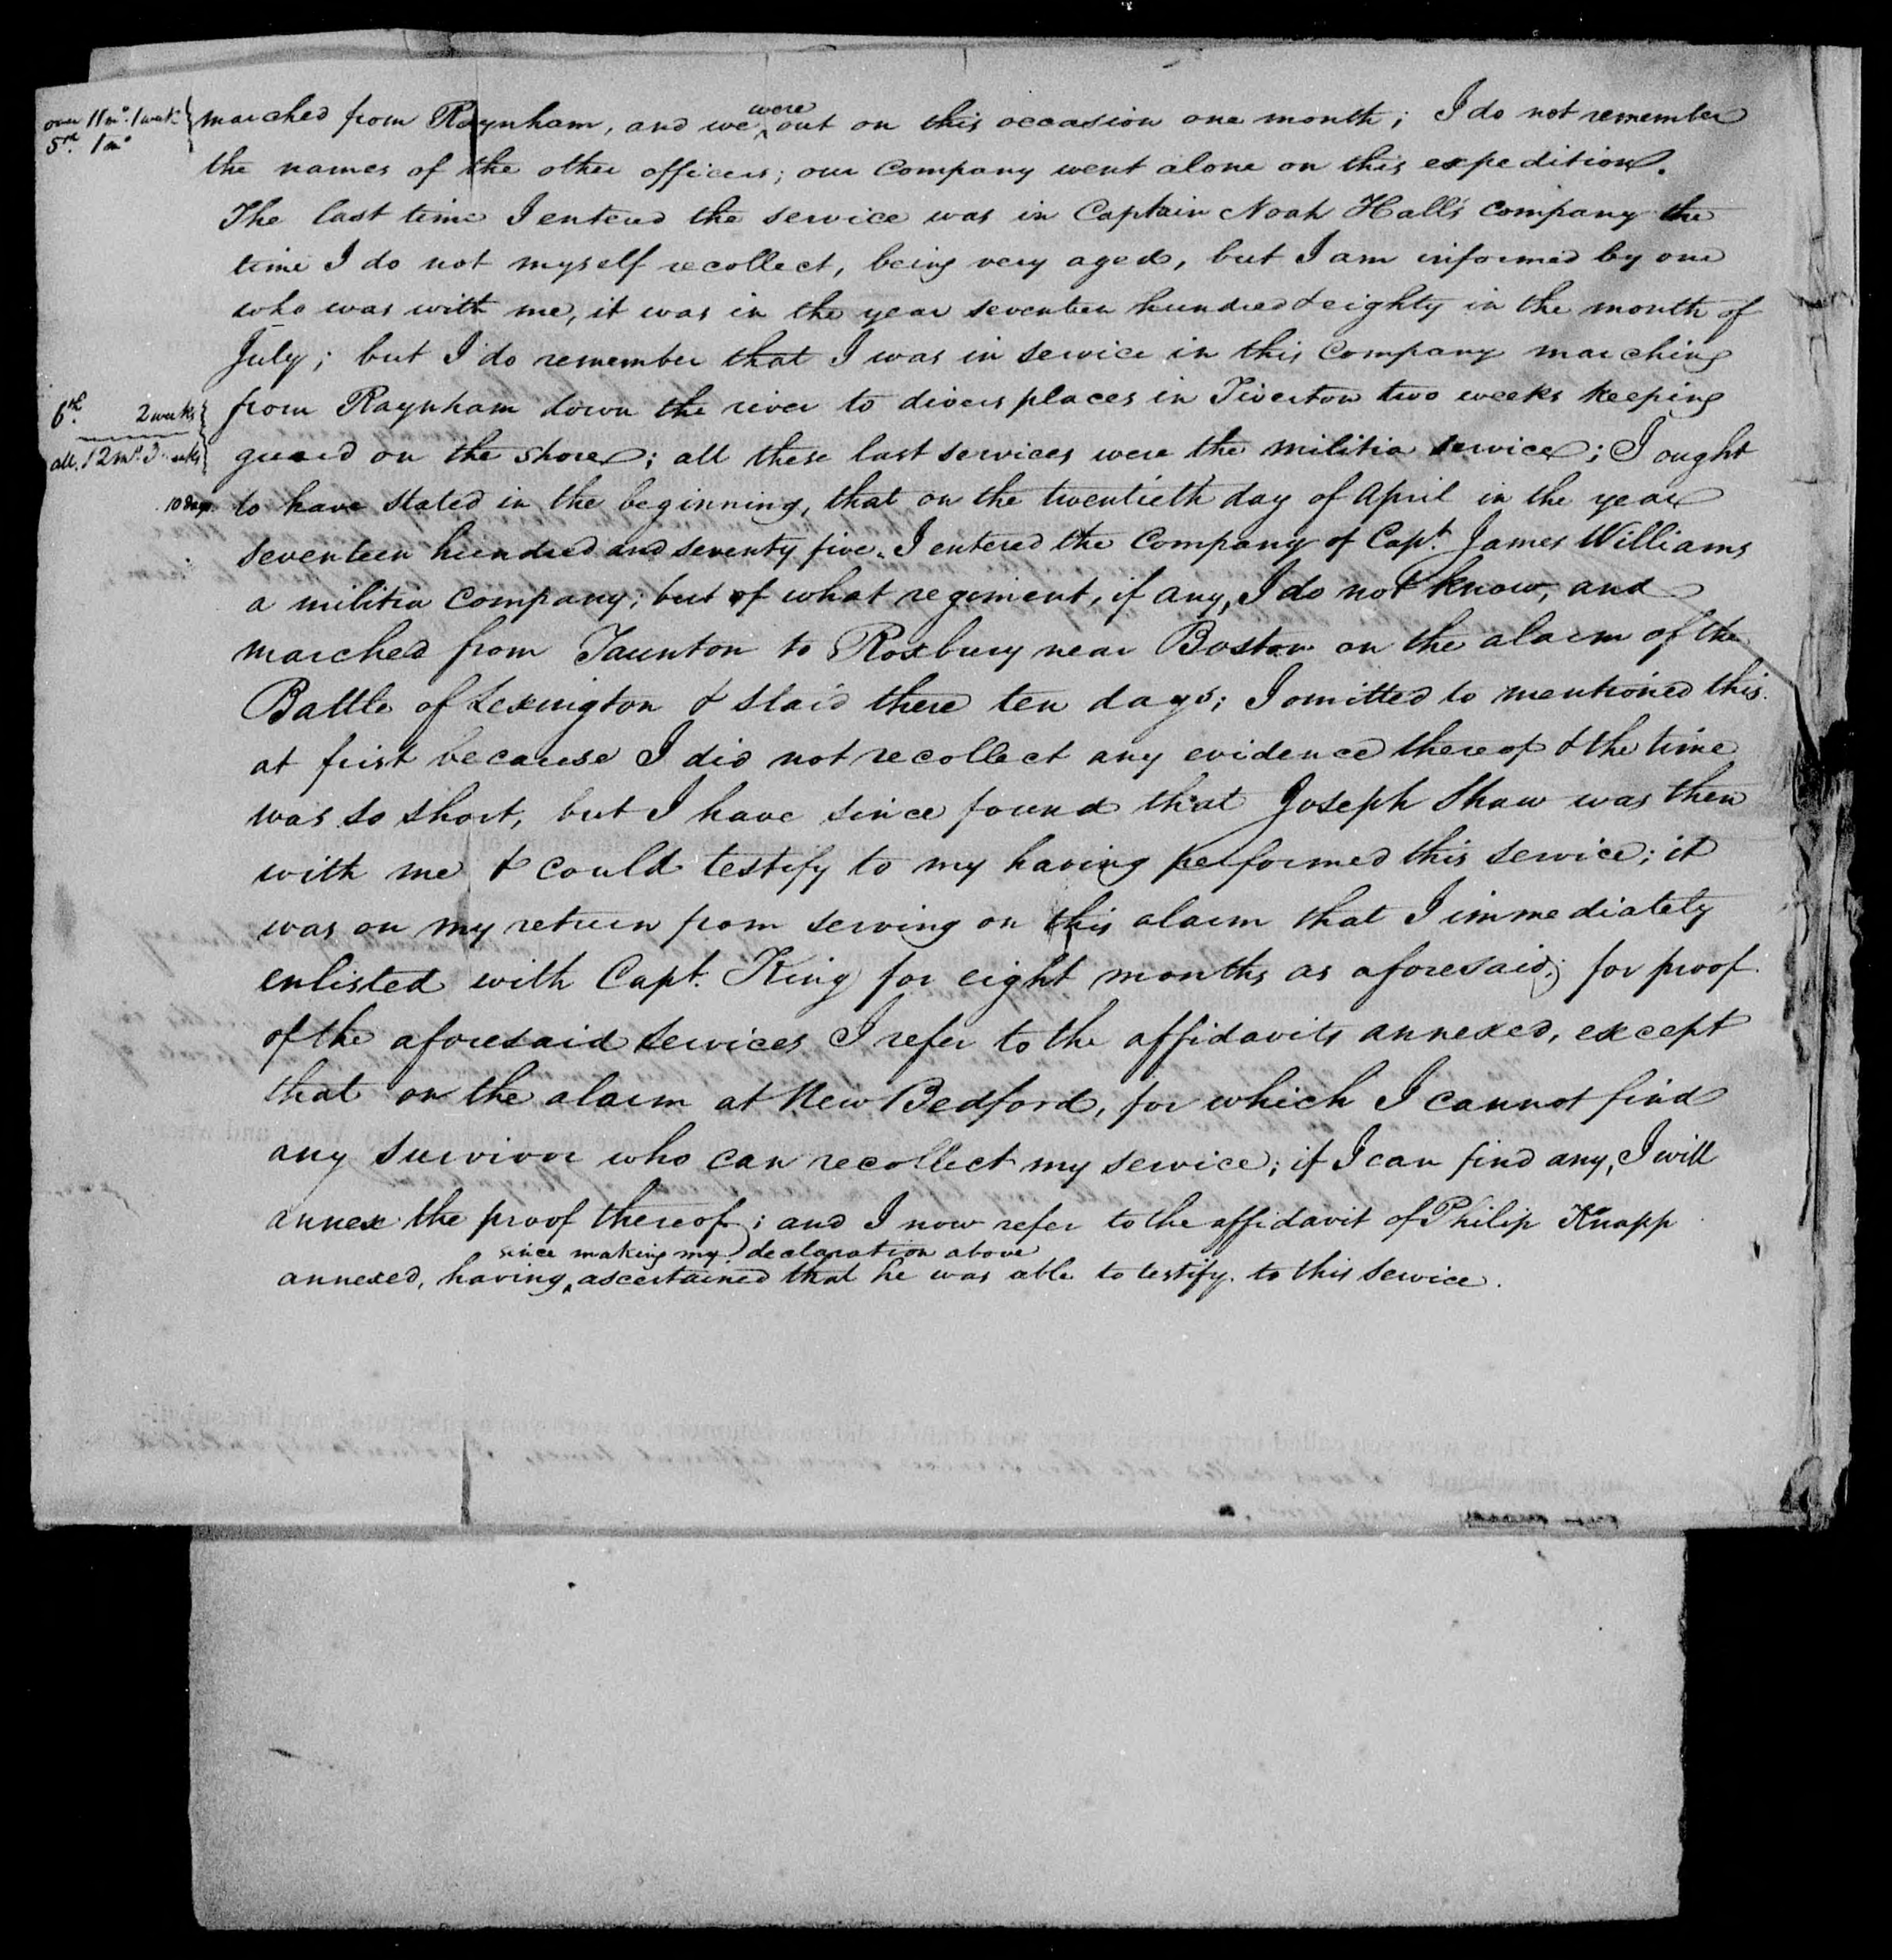marched from Raynham, and went on this occasion one month; I do not remember
the names of the other officers; our company went alone on this expedition.

The last time I entered the service was in Captain Noah Hall's company the time I do not myself recollect, being very aged, but I am informed by one who was with me, it was in the year seventeen hundred & eighty in the month of July; but I do remember that I was in service in this company marching from Raynham down the river to divers (diverse) places in Tiverton two weeks keeping guard on the shore, all these last services were the militia service; I ought to have stated in the beginning, that on the twentieth day of April in the year Seventeen hundred and seventy five. I entered the company of Capt James Williams
a militia company, but of what regiment, if any, I do not know, and marched from Taunton to Roxbury near Boston on the alarm of the
Battle of Lexington & Staid there ten days, I omitted to mentioned this   at first because I did not recollect any evidence thereof & the time was so short, but I have since found that Joseph Shaw was then with me & could testify to my having performed this service; it was on my return from serving on this alarm that I immediately enlisted with Capt King for eight months as aforesaid for proof
of the aforesaid services I refer to the affidavits annexed, except that on the alarm at New Bedford, for which I cannot find  any survivor who can recollect my service, if I can find any, I will annex the proof thereof; and I now refer to the affidavit of Philip Knapp
since making my declaration above  annexed, having ascertained since making my declaration above ascertained that he was able to testify to this service.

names: Philip Knapp, James Williams, Joseph Shaw, King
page: 8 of 36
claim: widow's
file: W. 8838, Elijah Gushee, Mass.